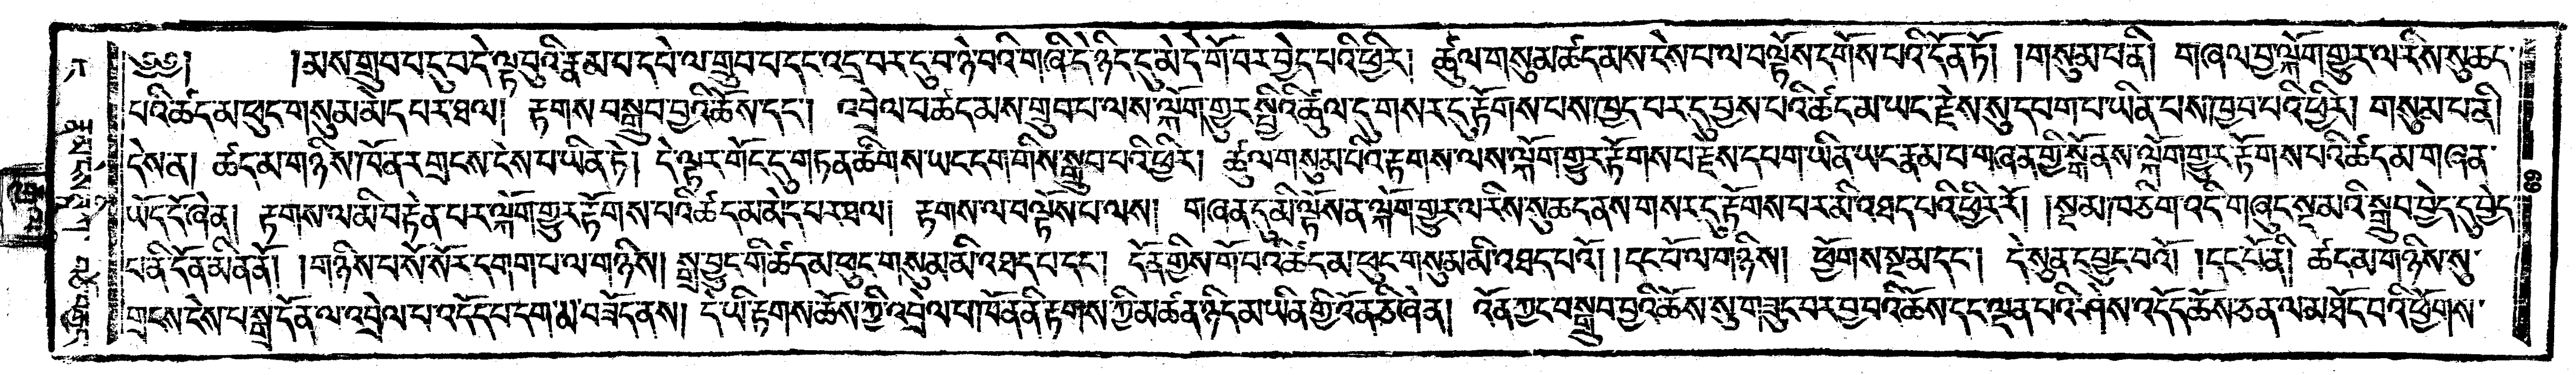༄༅། །མས་གྲུབ་པ་དུ་བ་དེ་ལྟ་བུའི་རྣམ་པ་དཔེ་ལ་གྲུབ་པ་དང་འདྲ་བར་དུ་བ་ཉེ་བའི་གཞི་དེ་ཉིད་དུ་མེ་དེ་གོ་བར་བྱེད་པའི་ཕྱིར། ཚུལ་གསུམ་ཚད་མས་ངེས་པ་ལ་བལྟོས་དགོས་པའི་དོན་ཏོ། །གསུམ་པ་ནི། གཞལ་བྱ་ལྐོག་གྱུར་ལ་རིས་སུ་ཆད་
པའི་ཚད་མ་ཕུང་གསུམ་མེད་པར་ཐལ། རྟགས་བསྒྲུབ་བྱའི་ཆོས་དང་། འབྲེལ་པ་ཚད་མས་གྲུབ་པ་ལས་ལྐོག་གྱུར་སྤྱིའི་ཚུལ་དུ་གསར་དུ་རྟོགས་པས་ཁྱད་པར་དུ་བྱས་པའི་ཚད་མ་ཡང་རྗེས་སུ་དཔག་པ་ཡིན་པས་ཁྱབ་པའི་ཕྱིར། གསུམ་པ་ནི།
དེས་ན། ཚད་མ་གཉིས་ཁོ་ནར་གྲངས་ངེས་པ་ཡིན་ཏེ། དེ་ལྟར་གོང་དུ་གཏན་ཚིགས་ཡང་དག་གིས་སྒྲུབ་པའི་ཕྱིར། ཚུལ་གསུམ་པའི་རྟགས་ལས་ལྐོག་གྱུར་རྟོགས་པ་རྗེས་དཔག་ཡིན་ཡང་རྣམ་པ་གཞན་གྱི་སྒོ་ནས་ལྐོག་གྱུར་རྟོགས་པའི་ཚད་མ་གཞན་
ཡོད་དོ་ཞེ་ན། རྟགས་ལ་མི་བརྟེན་པར་ལྐོག་གྱུར་རྟོགས་པའི་ཚད་མ་མེད་པར་ཐལ། རྟགས་ལ་བལྟོས་པ་ལས། གཞན་དུ་མི་ལྟོས་ན་ལྐོག་གྱུར་ལ་རིས་སུ་ཆད་ནས་གསར་དུ་རྟོགས་པར་མི་འཐད་པའི་ཕྱིར་རོ། །སྔ་མ་ཁ་ཅིག་འདི་གཞུང་སྔ་མའི་སྒྲུབ་བྱེད་དུ་བྱེད་
པ་ནི་དོན་མིན་ནོ། །གཉིས་པ་སོ་སོར་དགག་པ་ལ་གཉིས། སྒྲ་བྱུང་གི་ཚད་མ་ཕུང་གསུམ་མི་འཐད་པ་དང་། དོན་གྱིས་གོ་བའི་ཚད་མ་ཕུང་གསུམ་མི་འཐད་པའོ། །དང་པོ་ལ་གཉིས། ཕྱོགས་སྔ་མ་དང་། དེ་སུན་དབྱུང་བའོ། །དང་པོ་ནི། ཚད་མ་གཉིས་སུ་
གྲངས་ངེས་པ་སྒྲ་དོན་ལ་འབྲེལ་པ་འདོད་པ་དག་མ་བཟོད་ནས། དེ་ཡི་རྟགས་ཆོས་ཀྱི་འབྲེལ་པ་ཁོ་ན་ནི་རྟགས་ཀྱི་མཚན་ཉིད་མ་ཡིན་གྱི་འོ་ན་ཅི་ཞེ་ན། འོན་ཀྱང་བསྒྲུབ་བྱའི་ཆོས་སུ་གཟུང་བར་བྱ་བའི་ཆོས་དང་ལྡན་པའི་ཤེས་འདོད་ཆོས་ཅན་ལ་མཐོང་བའི་ཕྱོགས་